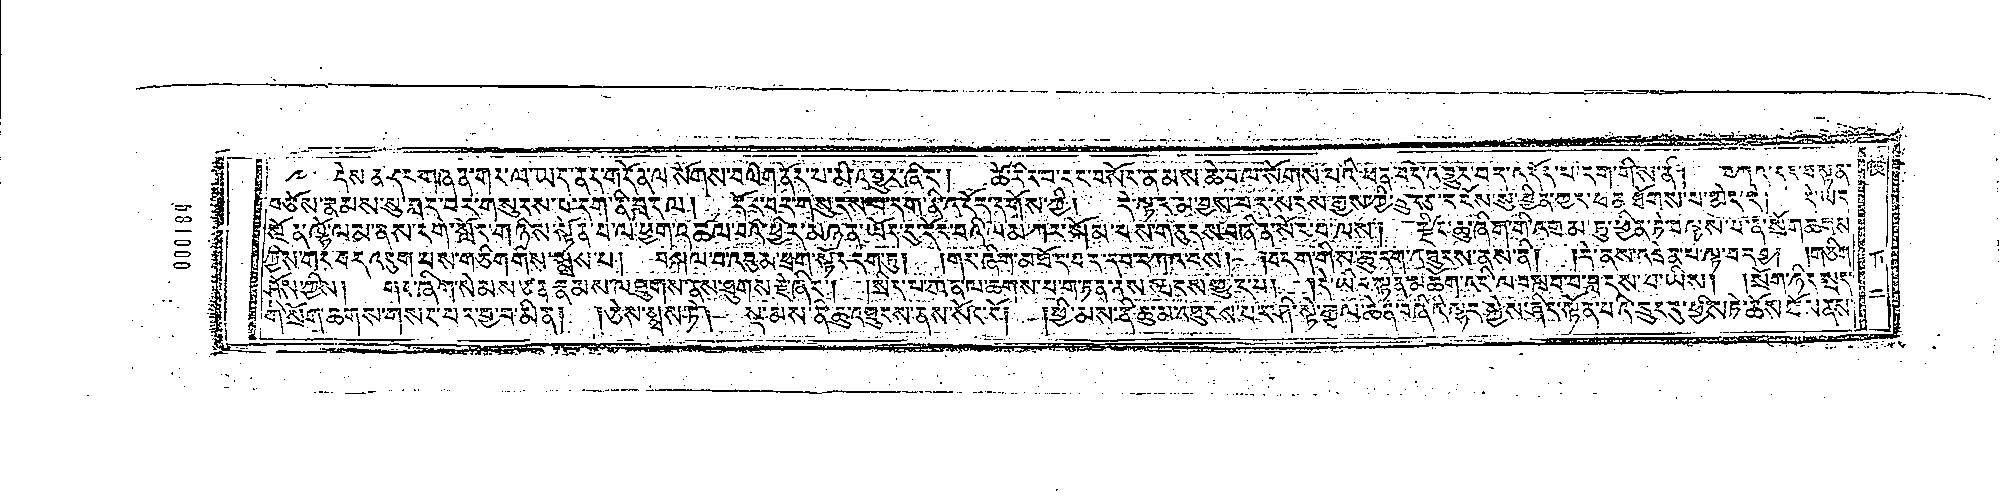༧་དེས་ན་རང་གཞན་གང་ལ་ཡང་ནད་གདོན་ལ་སོགས་པའི་གནོད་པ་མི་འབྱུང་ཞིང་། ཚེ་རིང་བ་དང་བསོད་ནམས་ཆེ་བ་ལ་སོགས་པའི་ཕན་བདེ་འབྱུང་བར་འདོད་པ་དག་གིས་ནི། བཀའ་དང་བསྟན་
བཅོས་རྣམས་སུ་བླང་བར་གསུངས་པ་དག་ནི་བླང་ལ། དོར་བར་གསུངས་པ་དག་ནི་འདོར་དགོས་ཀྱི། དེ་ལྟར་མ་བྱས་པར་སངས་རྒྱས་ཀྱི་དྲུང་དུ་དངོས་སུ་ཕྱིན་ཀྱང་ཕན་ཐོགས་པ་མེད་དེ། དེ་ཡང་
སྔོན་ལྷོ་ལམ་ནས་དགེ་སློང་གཉིས་སྟོན་པ་ལ་ཕྱག་འཚལ་བའི་ཕྱིར་མཉན་ཡོད་དུ་དོང་བའི་ལམ་ཀར་སྐོམ་པས་གདུངས་བཞིན་སོང་བ་ལས། རྫིང་ཆུ་ཞིག་གི་འགྲམ་ཏུ་ཕྱིན་ཏེ་བལྟས་པ་ན་སྲོག་ཆགས་
ཀྱིས་གང་བར་འདུག་པས་གཅིག་གིས་སྨྲས་པ། བསྐལ་བ་འབུམ་ཕྲག་སྟོང་དག་ཏུ། །གང་ཞིག་མཐོང་བར་རབ་དཀའ་བས། །བདག་གིས་ཆུ་དག་འཐུངས་ནས་ནི། །དེ་ནས་འདྲེན་པ་ལྟ་བར་བྱ། །གཅིག་
ཤོས་ཀྱིས། གང་ཞིག་སེམས་ཅན་རྣམས་ལ་ཐུགས་ནས་ཐུགས་རྗེ་ཞིང་། །སྲིད་པ་ཀུན་ལ་ཆགས་པ་གཏན་ནས་སྤངས་གྱུར་པ། །དེ་ཡི་བསྟན་མཆོག་འདི་ལ་བསླབ་པ་བླངས་པ་ཡིས། །སྲོག་ཉིད་སྤད་
གི་སྲོག་ཆགས་གསང་བར་བྱ་བ་མིན། །ཅེས་སྨྲས་ཏེ། སྔ་མས་ནི་ཆུ་འཐུངས་ནས་སོང་ངོ། །ཕྱི་མས་ནི་ཆུ་མ་འཐུངས་པར་ཤི་སྟེ་རྒྱལ་ཆེན་བཞིའི་ལྷར་སྐྱེས་ཤིང་སྟོན་པའི་དྲུང་དུ་ཕྱིས་ཏེ་ཆོས་ཐོས་ནས་